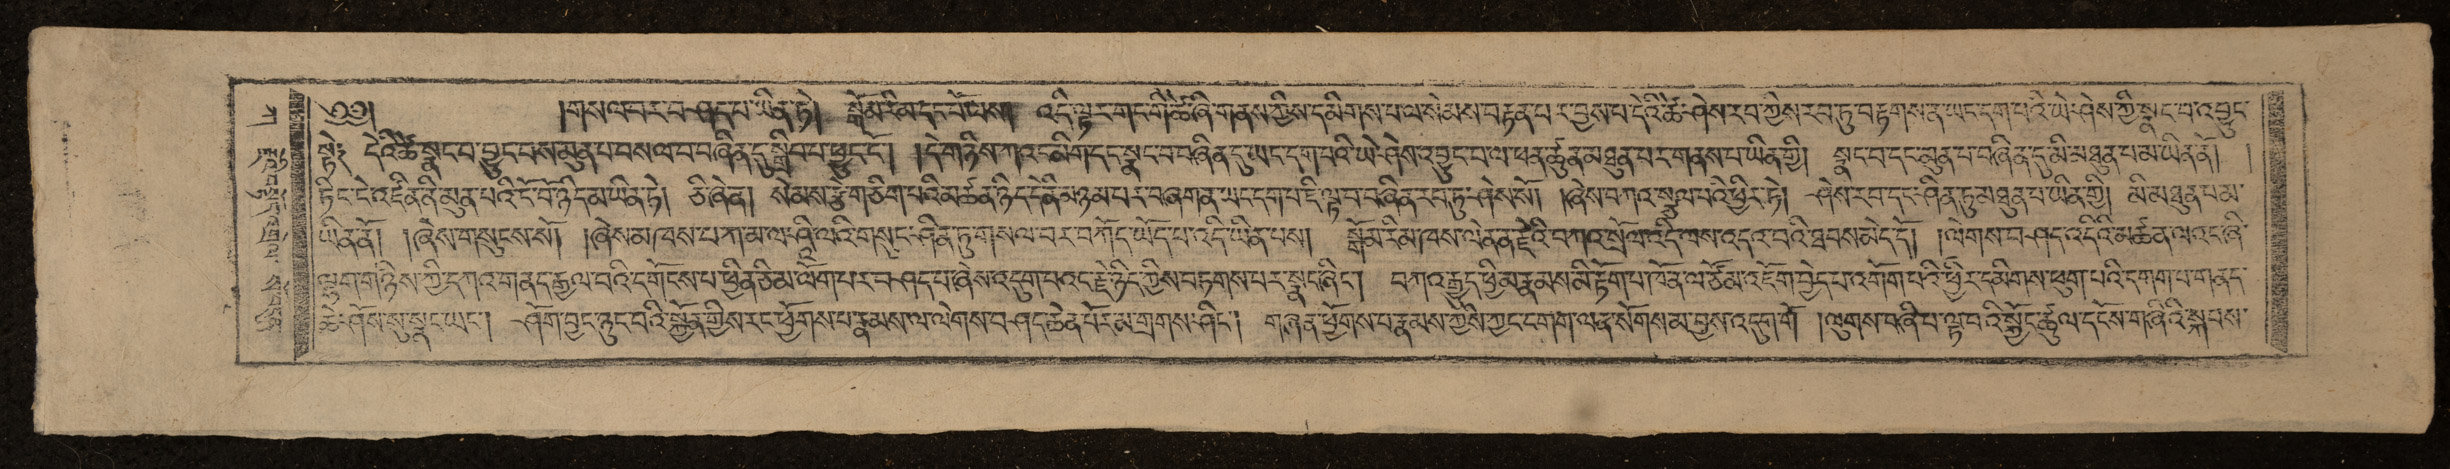༄༅། །གསལ་བར་བཤད་པ་ཡིན་ཏེ། སྒོམ་རིམ་དང་པོ་ལས། འདི་ལྟར་གང་གི་ཚེ་ཞི་གནས་ཀྱིས་དམིགས་བ་ལ་སེམས་བརྟན་བར་བྱས་པ་དེའི་ཚེ་ཤེས་རབ་ཀྱིས་རབ་ཏུ་བརྟགས་ན་ཡང་དག་པའི་ཡེ་ཤེས་ཀྱི་སྣང་བ་འབྱུང་
སྟེ༑ དེའི་ཚེ་སྣང་བ་བྱུང་བས་མུན་པ་བསལ་བ་བཞིན་དུ་སྒྲིབ་པ་ཕྱུང་ངོ། །དེ་གཉིས་ཀའང་མིག་དང་སྣང་བ་བཞིན་དུ་ཡང་དག་པའི་ཡེ་ཤེས་འབྱུང་བ་ལ་ཕན་ཚུན་མཐུན་པར་གནས་པ་ཡིན་གྱི། སྣང་བ་དང་མུན་པ་བཞིན་དུ་མི་མཐུན་པ་མ་ཡིན་ནོ། །
ཏིང་ངེ་འཛིན་ནི་མུན་པའི་ངོ་བོ་ཉིད་མ་ཡིན་ཏེ། ཅི་ཞེ་ན། སེམས་རྩེ་གཅིག་པའི་མཚན་ཉིད་དེ་ནི་མཉམ་པར་བཞག་ན་ཡང་དག་པ་ཇི་ལྟ་བ་བཞིན་རབ་ཏུ་ཤེས་སོ། །ཞེས་བཀའ་སྩལ་བའི་ཕྱིར་ཏེ། ཤེས་རབ་དང་ཤིན་ཏུ་མཐུན་པ་ཡིན་གྱི། མི་མཐུན་པ་མ་
ཡིན་ནོ། །ཞེས་གསུངས་སོ། །ཞེས་མཁས་པ་ཀ་མ་ལ་ཤྲཱི་ལའི་གསུང་ཤིན་ཏུ་གསལ་བར་བཀོད་ཡོད་པ་འདི་ཡིན་པས། སྒོམ་རིམ་ཁས་ལེན་ན་རྗེའི་བཀའ་སྲོལ་འདི་ལས་འདའ་བའི་ཐབས་མེད་དོ། །ལེགས་བཤད་འདིའི་མཚན་ལའང་ཞི་
ལྷག་གཉིས་ཀྱི་དཀའ་གནང་རྒྱལ་བའི་དགོངས་པ་ཕྱིན་ཅི་མ་ཕོག་བར་བཤད་པ་ཞེས་འདུག་བའང་རྗེ་ཉིད་ཀྱིས་བཏགས་པར་སྣང་ཞིང་། བཀའ་རྒྱུད་ཕྱི་མ་རྣམས་མི་རྟོག་པ་ཁོ་ན་ལ་ཙོམ་འཇོག་བྱེད་པ་འགོག་པའི་ཕྱིར་དམིགས་ཕུག་པའི་དགག་པ་གནད་
ཆེ་ཤོས་སུ་སྣང་ཡང་། ཤོག་བྱང་ཉུང་བའི་སྐྱོན་གྱིས་རང་ཕྱོགས་པ་རྣམས་ལ་ལེགས་བཤད་ཆེན་པོར་མ་གྲགས་ཤིང་། གཞན་ཕྱོགས་པ་རྣམས་ཀྱིས་ཀྱང་དགག་ལན་སོགས་མ་བྱས་འདུག་གོ །ལུགས་བཞི་བ་ལྟ་བའི་སྐྱོང་ཚུལ་དངོས་གཞིའི་སྐབས་